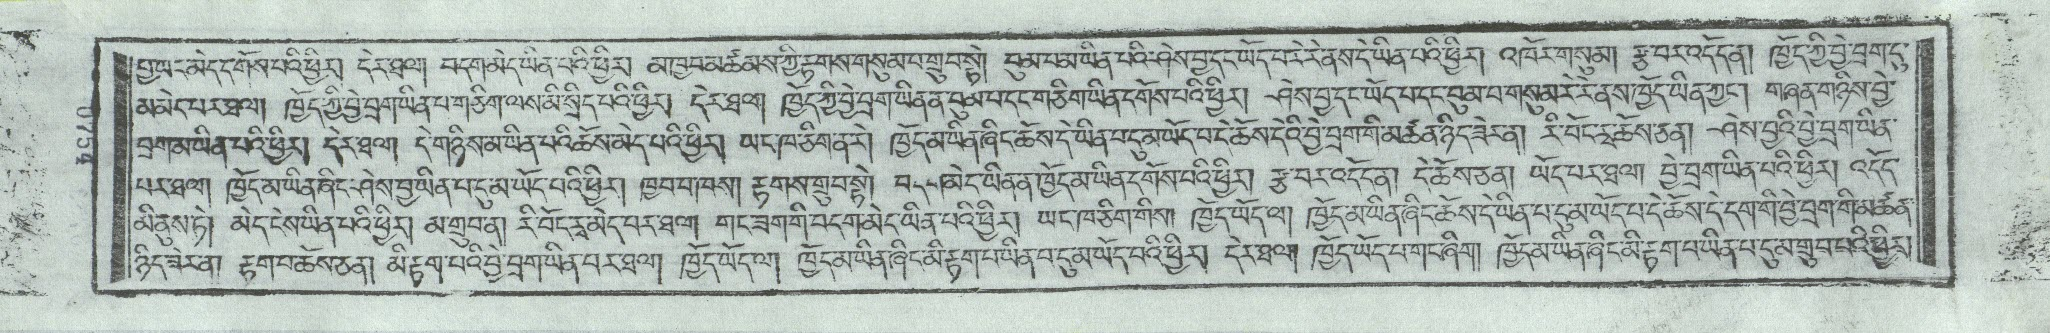བྱ་ཡང་མེད་དགོས་པའི་ཕྱིར། དེར་ཐལ། བདག་མེད་ཡིན་པའི་ཕྱིར། མ་ཁྱབ་མཚམས་ཀྱི་རྟགས་གསུམ་པ་གྲུབ་སྟེ། བུམ་པ་མ་ཡིན་པའི་ཤེས་བྱ་དང་ཡོད་པ་རེ་རེ་ནས་དེ་ཡིན་པའི་ཕྱིར། འཁོར་གསུམ། རྩ་བར་འདོད་ན། ཁྱོད་ཀྱི་བྱེ་བྲག་དུ་
མ་མེད་པར་ཐལ། ཁྱོད་ཀྱི་བྱེ་བྲག་ཡིན་པ་གཅིག་ལས་མི་སྲིད་པའི་ཕྱིར། དེར་ཐལ། ཁྱོད་ཀྱི་བྱེ་བྲག་ཡིན་ན་བུམ་པ་དང་གཅིག་ཡིན་དགོས་པའི་ཕྱིར། ཤེས་བྱ་དང་ཡོད་པ་དང་བུམ་པ་གསུམ་རེ་རེ་ནས་ཁྱོད་ཡིན་ཀྱང་། གཞན་གཉིས་བྱེ་
བྲག་མ་ཡིན་པའི་ཕྱིར། དེར་ཐལ། དེ་གཉིས་མ་ཡིན་པའི་ཆོས་མེད་པའི་ཕྱིར། ཡང་ཁ་ཅིག་ན་རེ། ཁྱོད་མ་ཡིན་ཞིང་ཆོས་དེ་ཡིན་པ་དུ་མ་ཡོད་པ་དེ་ཆོས་དེའི་བྱེ་བྲག་གི་མཚན་ཉིད་ཟེར་ན། རི་བོང་རྭ་ཆོས་ཅན། ཤེས་བྱའི་བྱེ་བྲག་ཡིན་
པར་ཐལ། ཁྱོད་མ་ཡིན་ཞིང་ཤེས་བྱ་ཡིན་པ་དུ་མ་ཡོད་པའི་ཕྱིར། ཁྱབ་པ་ཁས། རྟགས་གྲུབ་སྟེ། བདག་མེད་ཡིན་ན་ཁྱོད་མ་ཡིན་དགོས་པའི་ཕྱིར། རྩ་བར་འདོད་ན། དེ་ཆོས་ཅན། ཡོད་པར་ཐལ། བྱེ་བྲག་ཡིན་པའི་ཕྱིར། འདོད་
མི་ནུས་ཏེ། མེད་ངེས་ཡིན་པའི་ཕྱིར། མ་གྲུབ་ན། རི་བོང་རྭ་མེད་པར་ཐལ། གང་ཟག་གི་བདག་མེད་ཡིན་པའི་ཕྱིར། ཡང་ཁ་ཅིག་གིས། ཁྱོད་ཡོད་ལ། ཁྱོད་མ་ཡིན་ཞིང་ཆོས་དེ་ཡིན་པ་དུ་མ་ཡོད་པ་དེ་ཆོས་དེ་དག་གི་བྱེ་བྲག་གི་མཚན་
ཉིད་ཟེར་ན། རྟག་པ་ཆོས་ཅན། མི་རྟག་པའི་བྱེ་བྲག་ཡིན་པར་ཐལ། ཁྱོད་ཡོད་ལ། ཁྱོད་མ་ཡིན་ཞིང་མི་རྟག་པ་ཡིན་པ་དུ་མ་ཡོད་པའི་ཕྱིར། དེར་ཐལ། ཁྱོད་ཡོད་པ་གང་ཞིག། ཁྱོད་མ་ཡིན་ཞིང་མི་རྟག་པ་ཡིན་པ་དུ་མ་གྲུབ་པའི་ཕྱིར།